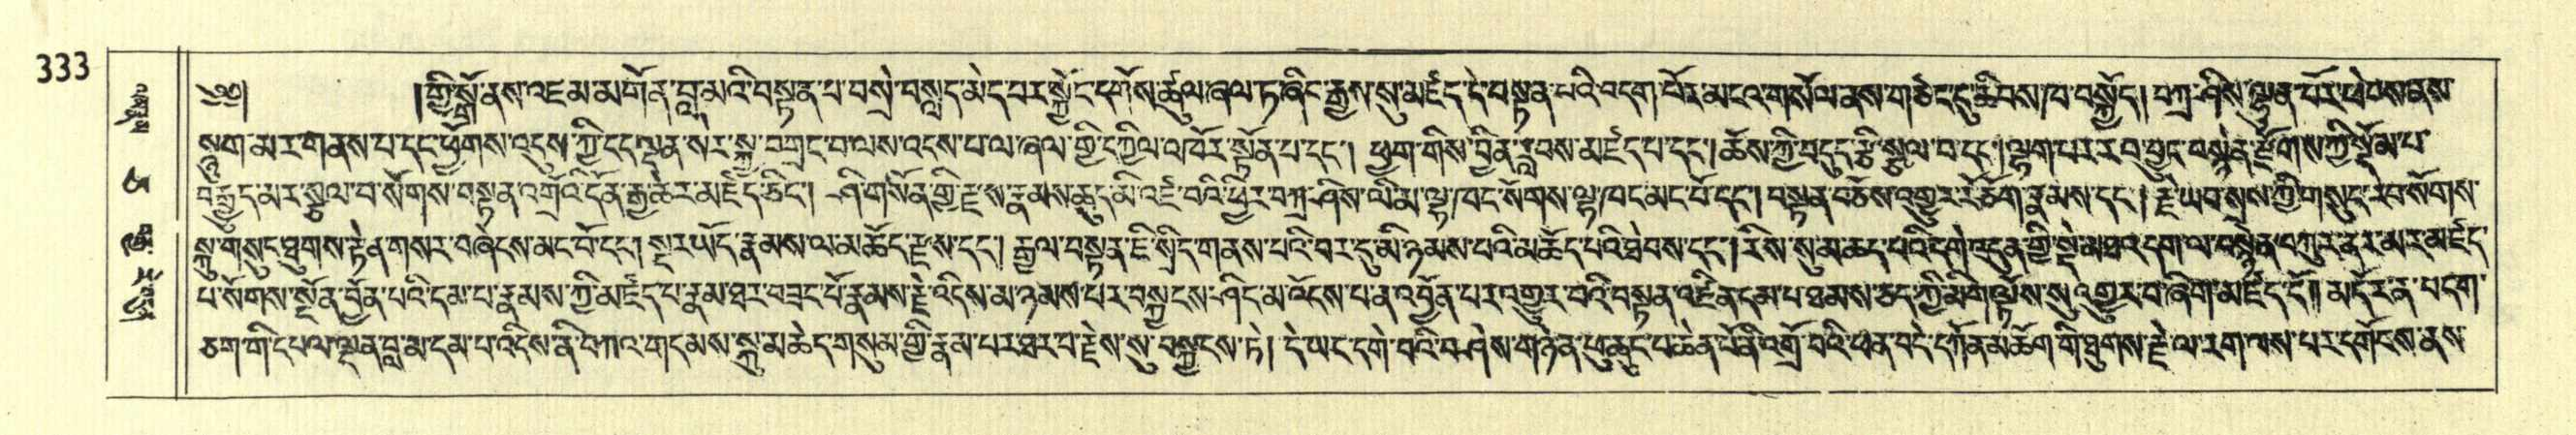༄༅། །གྱི་སྒོ་ནས་འཇམ་མགོན་བླ་མའི་བསྟན་པ་བསྲེ་བསླད་མེད་པར་སྐྱོང་དགོས་ཚུལ་ཞལ་ཏ་ཞིང་རྒྱས་སུ་མཛད་དེ་བསྟན་པའི་བདག་པོར་མངའ་གསོལ་ནས་གཙང་དུ་ཆིབས་ཁ་བསྐྱོད། བཀྲ་ཤིས་ལྷུན་པོར་ཕེབས་ནས་
སྙུག་མར་གནས་པ་དང་ཕྱོགས་འདུས་ཀྱི་དང་ལྡན་སེར་སྐྱ་བགྲང་བ་ལས་འདས་པ་ལ་ཞལ་གྱི་དཀྱིལ་འཁོར་སྟོན་པ་དང་། ཕྱག་གིས་བྱིན་རླབས་མཛད་པ་དང་། ཆོས་ཀྱི་བདུད་རྩི་སྩལ་བ་དང་། ལྷག་པར་རབ་བྱུང་བསྙེན་རྫོགས་ཀྱི་སྡོམ་པ་
བརྒྱུད་མར་སྩལ་བ་སོགས་བསྟན་འགྲོའི་དོན་རྒྱ་ཆེར་མཛད་ཅིང་། ཤི་གསོན་གྱི་རྫས་རྣམས་ཆུད་མི་འཛ་བའི་ཕྱིར་བཀྲ་ཤིས་ལི་མ་ལྷ་ཁང་སོགས་ལྷ་ཁང་མང་པོ་དང་། བསྟན་བཅོས་འགྱུར་རོ་ཅོག་རྣམས་དང་། རྗེ་ཡབ་སྲས་ཀྱི་གསུང་རབ་སོགས་
སྐུ་གསུང་ཐུགས་རྟེན་གསར་བཞེངས་མང་བོ་དང་། སྔར་ཡོད་རྣམས་ལ་མཆོད་རྫས་དང་། རྒྱལ་བསྟན་ཇི་སྲིད་གནས་པའི་བར་དུ་མི་ཉམས་པའི་མཆོད་པའི་ཐེབས་དང་། རིས་སུ་མ་ཆད་པའི་དགེ་འདུན་གྱི་སྡེ་མཐའ་དག་ལ་བསྙེན་བཀུར་ནར་མར་མཛད་
པ་སོགས་སྔོན་བྱོན་པའི་དམ་པ་རྣམས་ཀྱི་མཛད་པ་རྣམ་ཐར་བཟང་པོ་རྣམས་རྗེ་འདིས་མ་ཉམས་པར་བསྐྱངས་ཤིང་མ་འོངས་པ་ན་འབྱོན་པར་འགྱུར་བའི་བསྟན་འཛིན་དམ་པ་ཐམས་ཅད་ཀྱི་མིག་ལྟོས་སུ་འགྱུར་བ་ཞིག་མཛད་དོ། །མདོར་ན་བདག་
ཅག་གི་དཔལ་ལྡན་བླ་མ་དམ་པ་འདིས་ནི་བཀའ་གདམས་སྐུ་མཆེད་གསུམ་གྱི་རྣམ་པར་ཐར་པ་རྗེས་སུ་བསྐྱངས་ཏེ། དེ་ཡང་དགེ་བའི་བཤེས་གཉེན་ཕུ་ཆུང་པ་ཆེན་པོ་ནི་འགྲོ་བའི་ཕན་བདེ་དཀོན་མཆོག་གི་ཐུགས་རྗེ་ལ་རག་ལས་པར་དགོངས་ནས་